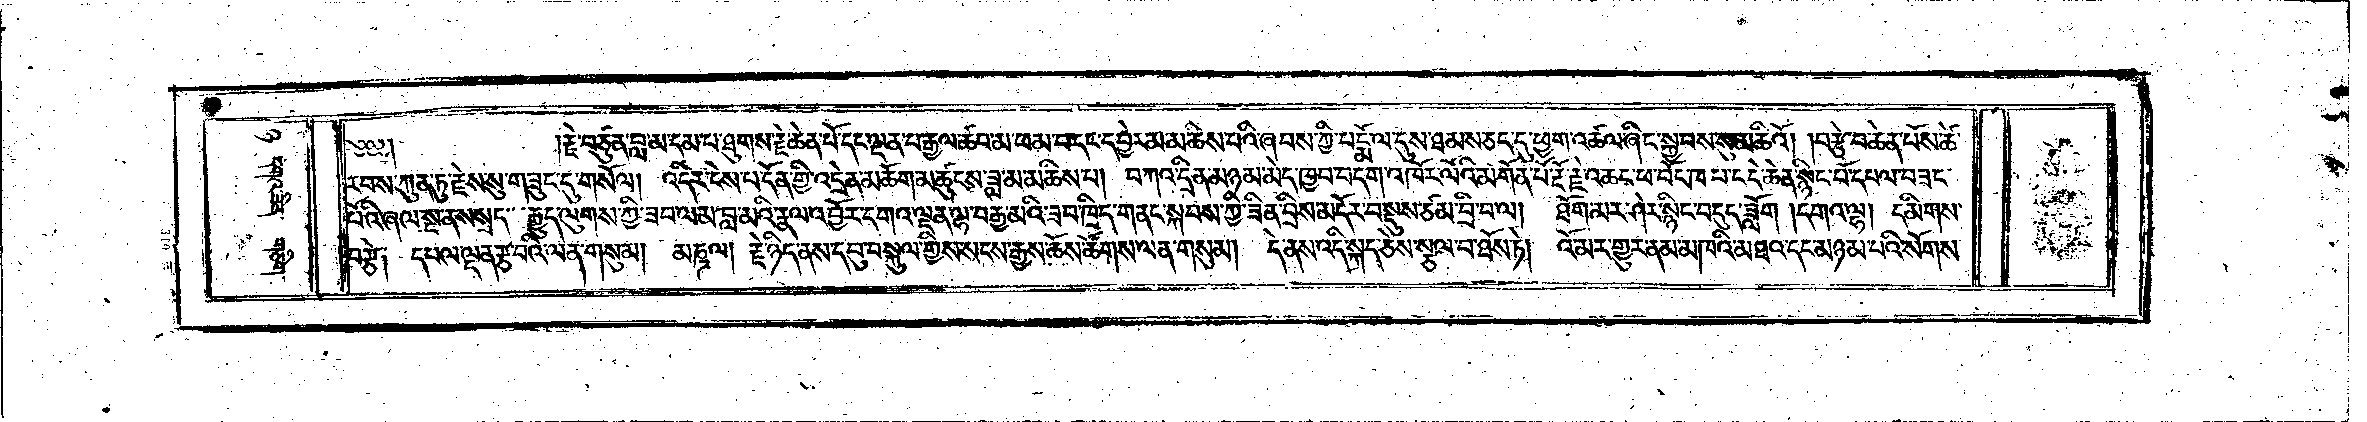༄༅༅། །རྗེ་བཙུན་བླ་མ་དམ་པ་ཐུགས་རྗེ་ཆེན་པོ་དང་ལྡན་པ་རྒྱལ་ཚབ་མ་ཕམ་པ་དང་དབྱེར་མ་མཆིས་པའི་ཞབས་ཀྱི་པདམོ་ལ་དུས་ཐམས་ཅད་དུ་ཕྱག་འཚལ་ཞིང་སྐྱབས་སུ་མཆིའོ། །བརྩེ་བ་ཆེན་པོས་ཚེ་
རབས་ཀུན་ཏུ་རྗེས་སུ་གཟུང་དུ་གསོལ། །འདིར་ངེས་པ་དོན་གྱི་འདྲེན་མཆོག་མཚུངས་ཟླ་མ་མཆིས་པ། བཀའ་དྲིན་མཉམ་མེད་ཁྱབ་བདག་འཁོར་ལོའི་མགོན་པོ་རྡོ་རྗེ་འཆང་ཕ་བོང་ཁ་པ་བདེ་ཆེན་སྙིང་པོ་དཔལ་བཟང་
པོའི་ཞལ་སྔ་ནས་སྲད་རྒྱུད་ལུགས་ཀྱི་ཟབ་ལམ་བླ་མའི་རྣལ་འབྱོར་དགའ་ལྡན་ལྷ་བརྒྱ་མའི་ཟབ་ཁྲིད་གནང་སྐབས་ཀྱི་ཟིན་བྲིས་མདོར་བསྡུས་ཙམ་བྲི་བ་ལ། ཐོག་མར་ཤེར་སྙིང་བདུད་ཟློག །དགའ་ལྷ། དམིགས་
བརྩེ༑ དཔལ་ལྡན་རྩ་བའི་ལན་གསུམ། མཎྜལ། རྗེ་ཉིད་ནས་དབུ་བསྐུལ་གྱིས་སངས་རྒྱས་ཆོས་ཚོགས་ལན་གསུམ། དེ་ནས་འདི་སྐད་ཅེས་སྩལ་བ་ཐོས་ཏེ། འོ་མར་གྱུར་ནམ་མཁའི་མཐའ་དང་མཉམ་པའི་སོགས་